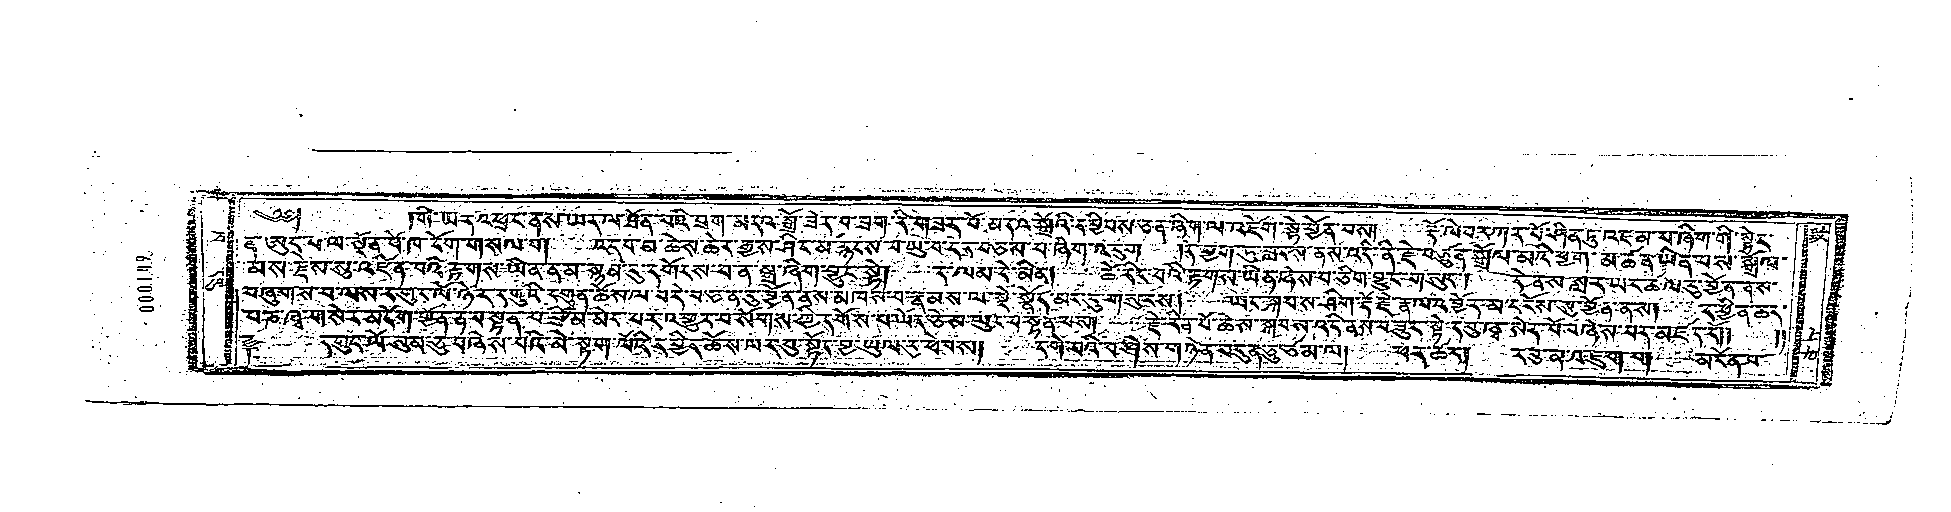༄༅། །གི་ཡར་འཕྲང་ནས་ཡར་ལ་ཐོན་བའི་བྲག་མདའ་སྒྲོ་ཟེར་བ་བྲག་རི་གཟར་པོ་མདའ་སྒྲོའི་དབྱིབས་ཅན་ཞིག་ལ་འཇོག་སྟེ་བྱོན་པས། རྡོ་ལེབ་དཀར་པོ་ཤིན་ཏུ་འཇམ་པ་ཞིག་གི་སྟེང་
ན་ཨུད་པལ་སྔོན་པོ་ཁ་དོག་གསལ་བ། འདབ་མ་ཆེས་ཆེར་རྒྱས་ཤིང་མ་རྙེངས་བ་ཡུ་བ་དང་བཅས་བ་ཞིག་འདུག །དེ་ཕྱག་ཏུ་བླངས་ནས་འདི་ནི་རྗེ་བཙུན་སྒྲོལ་མའི་ཕྱག་མཚན་ཡིན་པས་སྒྲོལ་
མས་རྗེས་སུ་འཛིན་པའི་རྟགས་ཡིན་ནམ་སྙམ་དུ་དགོངས་པ་ན་སྒྲ་ཞིག་བྱུང་སྟེ། ད་ལམ་དེ་མིན། ཚེ་རིང་བའི་རྟགས་ཡིན་ཞེས་པ་ཅིག་བྱུང་གསུང་། དེ་ནས་སླར་ཡང་ཚལ་དུ་བྱོན་ནས་
བཞུགས་བ་ལས་དགུང་ལོ་ཉེར་དགུའི་དགུན་ཆོས་ལ་བདེ་བ་ཅན་དུ་བྱོན་ནས་མཁས་བ་རྣམས་ལ་སྡེ་སྣོད་མང་དུ་གསུངས། ཡང་སྐབས་ཤིག་རྡོ་རྗེ་རྣལ་འབྱོར་མ་དངོས་སུ་བྱོན་ནས། དྥྱིན་ཆད་
པཎ་ཞྭ་གསེར་མདོག་གྱོན་ན་བསྟན་པ་དྲི་མ་མེད་པར་འགྱུར་བ་སོགས་ཀྱི་དགོས་པ་ཡོད་ཅེས་ལུང་བསྟན་པས། རྗེ་རིན་པོ་ཆེས་སྐབས་འདི་ནས་བཟུང་སྟེ་དབུ་ཞྭ་སེར་པོ་བཞེས་པར་མཛད་དོ།། །།
༈ དགུང་ཡོ་སུམ་ཅུ་བཞེས་པའི་མེ་སྟག་ལོའི་དབྱིད་ཆོས་ལ་དབུ་སྟོད་བྱ་ཡུལ་དུ་ཕེབས། དགེ་བའི་བཤེས་གཉེན་བདུན་ཅུ་ཙམ་ལ། ཕར་ཚད། དབུ་མ་འཇུག་པ། མངོན་པ་